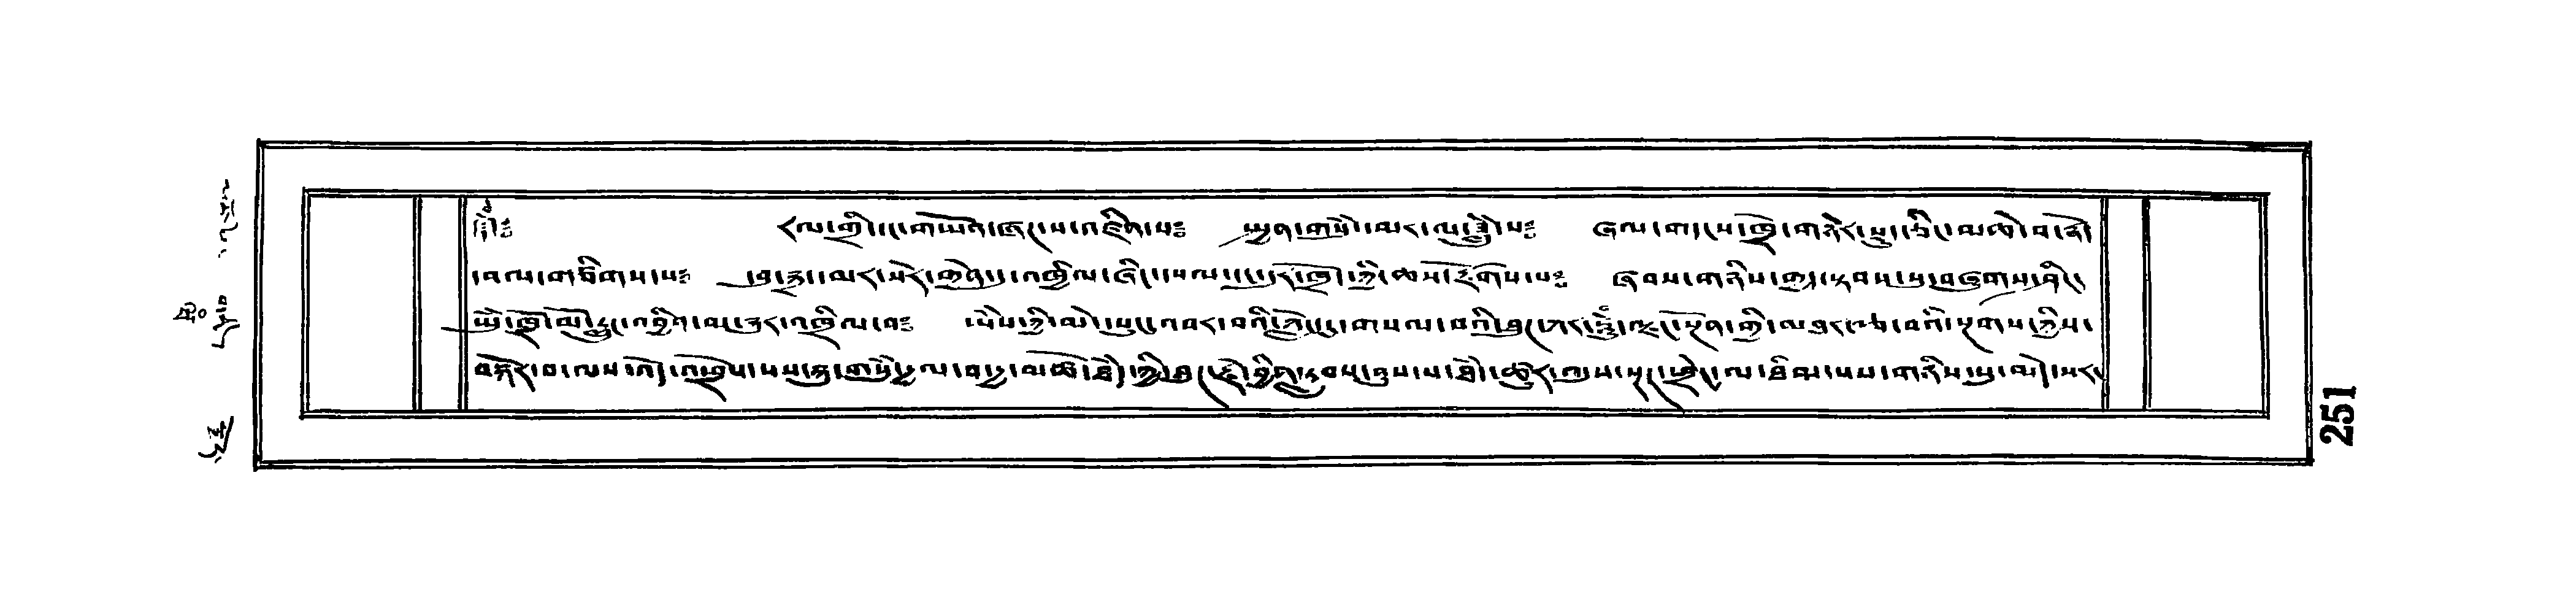རལ་གྲི་དག་གཡོན་ཞགས་པ་འཛིན་པ༔ སྤྱན་གསུམ་དམར་ལ་ཟླུམ་པ༔ ཞལ་གདངས་ཁྲོ་གཉེར་སྡུད་ཅིང་མཆེ་བ་རྣོ་
དབལ་གཙིགས་པ༔ དབུ་སྐྲ་དམར་སེར་གྱེན་དུ་འཁྱིལ་ཞིང་དཔལ་དང་དུར་ཁྲོད་ཀྱི་ཆས་རྫོགས་པ༔ ཞབས་གཉིས་གྱད་སྟབས་སུ་བཞུགས་ཤིང་
ཡུམ་ཁྲོ་མོ་རླུང་འབྱིན་མ་སྐུར་འཁྲིལ་བ༔ ཡེ་ཤེས་ཀྱི་མེ་དཔུང་འབར་བའི་ཀློང་དུ་གསལ་བའི་ཐུགས་ཀར་ཧཱུྃ་ལྗང་སྔོན་གྱི་མཐར་རྩ་བའི་སྔགས་ཀྱིས་
བསྐོར་བ་ལས་འོད་འཕྲོས་པས་སྐུ་གསུམ་རྒྱལ་བ་རྒྱ་མཚོ་ཐམས་ཅད་ཀྱི་ཐུགས་རྗེ་བྱིན་རླབས་ནུས་པ་ཐམས་ཅད་ཚུར་འདུས་སྔགས་ཕྲེང་ལ་ཐིམ་པས་གཉིས་སུ་མེད་པར་